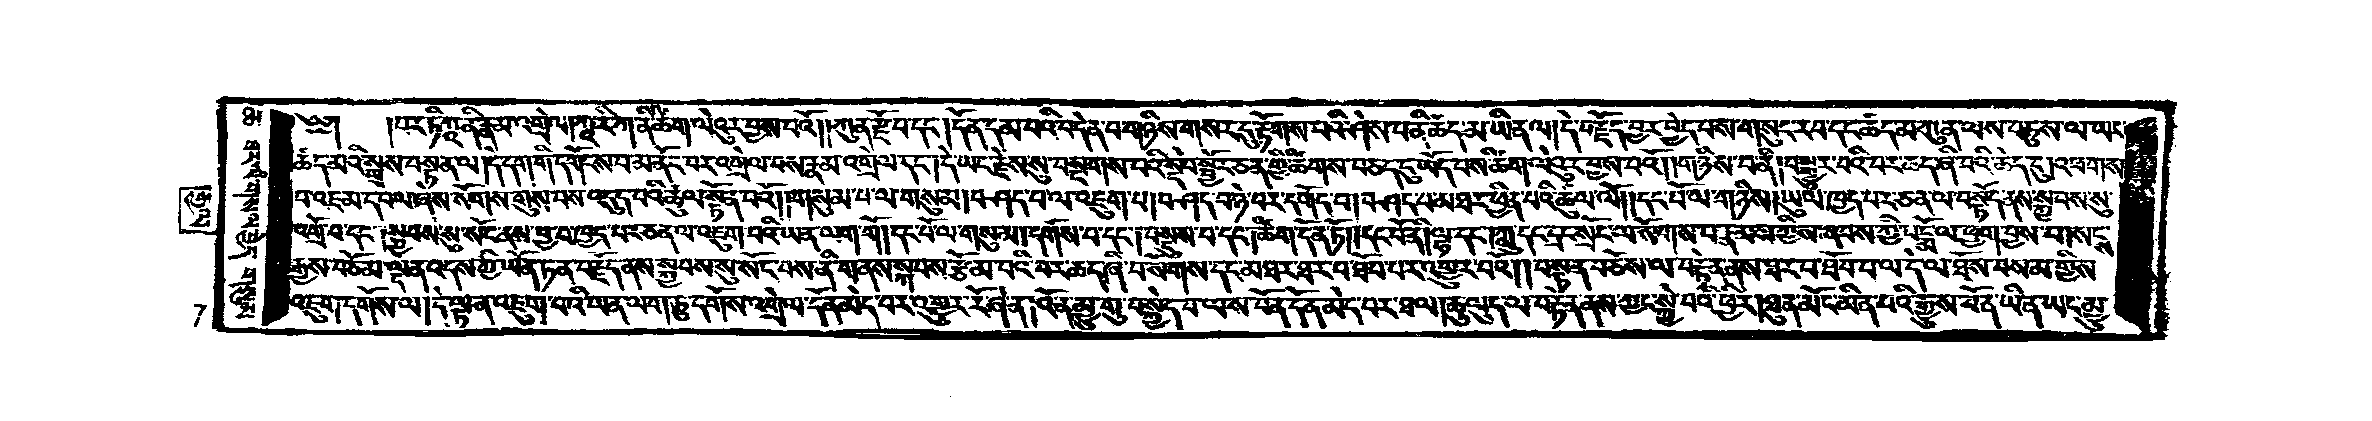༄༅། །པར་ཏི་ཀཱ་ནི་རྣམ་འགྲེལ། ཀཱ་རི་ཀ་ནི་ཚིག་ལེའུར་བྱས་པའོ། །ཀུན་རྫོབ་དང་། དོན་དམ་པའི་བདེན་པ་གཉིས་གསར་དུ་རྟོགས་པའི་ཤེས་པ་ནི་ཚད་མ་ཡིན་ལ། དེ་བརྗོད་བྱར་བྱེད་པས་གསུང་རབ་དང་ཚད་མ་ཀུན་ལས་བཏུས་ལ་ཡང་
ཚད་མའི་སྒྲས་བསྟན་ལ། དེ་དག་གི་དགོངས་པ་མ་ནོང་བར་འགྲེལ་བས་རྣམ་འགྲེལ་དང་། དེ་ཡང་རྗེས་སུ་བསྔགས་པའི་སྡེ་བ་སྦྱོར་ཅན་གྱི་ཚིགས་བཅད་དུ་ཡོད་པས་ཚིག་ལེའུར་བྱས་པའོ། །གཉིས་པ་ནི། བསྒྱུར་བའི་བར་ཆད་ཞི་བའི་ཆེད་དུ། འཕགས་
པ་འཇམ་དཔལ་ཞེས་སོགས་གུས་པས་འདུད་བའི་ཚུལ་སྟོན་པའོ། །གསུམ་པ་ལ་གསུམ། བཤད་པ་ལ་འཇུག་པ། བཤད་པ་ཉེ་བར་དགོད་པ། བཤད་པ་མཐར་ཕྱིན་པའི་ཚུལ་ལོ། །དང་པོ་ལ་གཉིས། ཡུལ་ཁྱད་པར་ཅན་ལ་བསྟོད་ནས་སྐྱབས་སུ་
འགྲོ་བ་དང་། སྐྱབས་སུ་སོང་ནས་བྱ་བ་ཁྱད་པར་ཅན་ལ་འཇུག་པའི་ཡན་ལག་གོ། དང་པོ་ལ་གསུམ། དགོས་པ་དང་། བསྡུས་པ་དང་། ཚིག་དོན་ཏོ། །དང་པོ་ནི། ལྷ་དང་། ཀླུ་དང་དྲང་སྲོང་ལ་སོགས་པ་རྣམས་ཀྱིས་ཞབས་ཀྱི་པདམོ་ལ་ཕྱག་བྱས་པ། སངས་
རྒྱས་བཅོམ་ལྡན་འདས་ཀྱི་ཡོན་ཏན་བརྗོད་ནས་སྐྱབས་སུ་སོང་བས་ནི་གནས་སྐབས་རྩོམ་པའི་བར་ཆད་ཞི་བ་སོགས་དང་མཐར་ཐར་བ་ཐོབ་པར་འགྱུར་བའོ། །བསྟན་བཅོས་ལ་བརྟེན་ནས་ཐར་པ་ཐོབ་པ་ལ་དེ་ལ་ཐོས་བསམ་གྱིས་
འཇུག་དགོས་ལ། དེ་ལྟ་ན་འཇུག་པའི་ཡན་ལག་ཏུ་དགོས་འགྲེལ་དོན་མེད་པར་འགྱུར་རོ་ཞེ་ན། འོ་ན་མྱུ་གུ་བསྐྱེད་པ་ལ་ས་བོན་དོན་མེད་པར་ཐལ། ཆུ་ལུད་ལ་བརྟེན་ནས་ཀྱང་སྐྱེ་བའི་ཕྱིར། ཐུན་མོང་མིན་པའི་རྒྱུ་ས་བོན་ཡིན་ཡང་མྱུ་